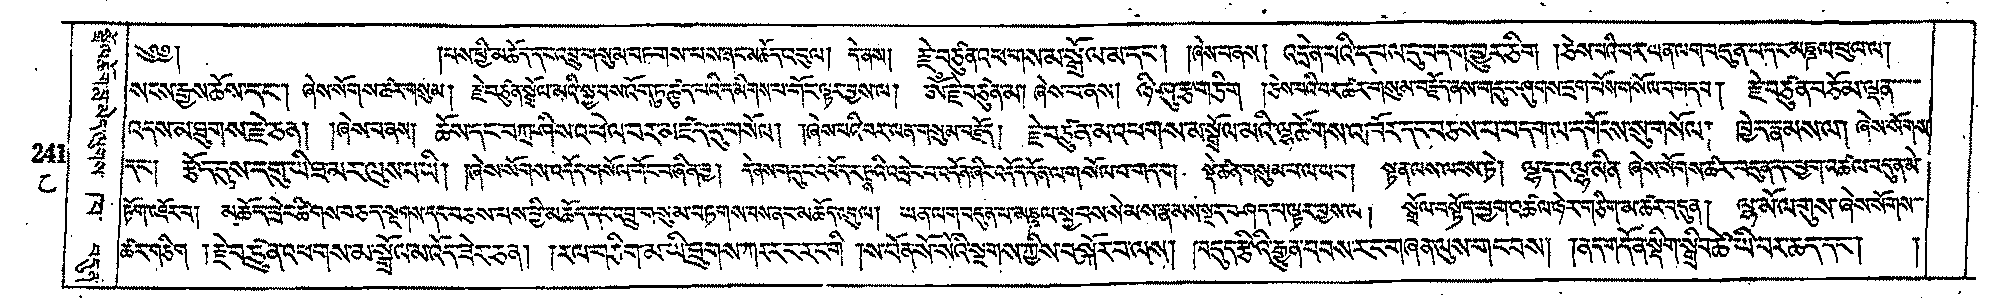༄༅། །པས་ཕྱི་མཆོད་དང་འབྲུ་གསུམ་བཏགས་པས་ནང་མཆོད་འབུལ། དེ་ནས།  རྗེ་བཙུན་འཕགས་མ་སྒྲོལ་མ་དང་། །ཞེས་པ་ནས།  འདྲེན་པའི་དཔལ་དུ་བདག་གྱུར་ཅིག་།ཅེས་པའི་བར་ཡན་ལག་བདུན་པ་དང་མཎྜལ་ཕུལ་ལ།
སངས་རྒྱས་ཆོས་དང་། ཞེས་སོགས་ཚར་གསུམ། རྗེ་བཙུན་སྒྲོལ་མའི་སྐྱབས་འོག་ཏུ་ཚུད་པའི་དམིགས་པ་གོང་ལྟར་བྱས་ལ།  ཨོཾ་རྗེ་བཙུན་མ། ཞེས་པ་ནས།  ཉི་ཤུ་རྩ་གཅིག་།ཅེས་པའི་བར་ཚར་གསུམ་བརྗོད་ནས་གདུང་ཤུགས་དྲག་པོས་གསོལ་བ་གདབ།  རྗེ་བཙུན་བཅོམ་ལྡན་་་
འདས་མ་ཐུགས་རྗེ་ཅན། །ཞེས་པ་ནས།  ཆོས་དང་བཀྲ་ཤིས་འཕེལ་བར་མཛད་དུ་གསོལ། །ཞེས་པའི་བར་ལན་གསུམ་བརྗོད།  རྗེ་བཙུན་མ་འཕགས་མ་སྒྲོལ་མའི་ལྷ་ཚོགས་འཁོར་དང་བཅེས་པ་བདག་ལ་དགོངས་སུ་གསོལ། ཁྱེད་རྣམས་ལ། ཞེས་སོགས་
དང་། རྩོད་དུས་དགུ་ཡི་ཐ་མར་ལུས་པ་ཡི། །ཞེས་སོགས་འདོད་གསོལ་གོང་བཞིན་བྱ། དེ་ནས་གདུང་འབོད་རཏྣའི་འཕྲེང་བ་འདོན་ཞིང་འདོད་དོན་ལ་གསོལ་བ་གདབ། སྡེ་ཚན་གསུམ་པ་ལ་ཡང་། སྟན་ལས་ལངས་ཏེ།  ལྷ་དང་ལྷ་མིན་ཞེས་སོགས་ཚར་བདུན་དང་ཕྱག་འཚལ་བདུན་མེ་
ཏོག་འཐོར་བ། མཆོད་ཕྲེང་ཚིགས་བཅད་སྔགས་དང་བཅས་པས་ཕྱི་མཆོད་དང་འབྲུ་གསུམ་བཏགས་པས་ནང་མཆོད་འབུལ། ཡན་ལག་བདུན་པ་མཎྜལ་སྐྱབས་སེམས་རྣམས་སྔར་བཤད་པ་ལྟར་བྱས་ལ། སྒྲོལ་བསྟོད་ཕྱག་འཚལ་ཉེར་གཅིག་མ་ཚར་བདུན། ལྷ་མོ་ལ་གུས་ཞེས་སོགས་་་
ཚར་གཅིག །རྗེ་བཙུན་འཕགས་མ་སྒྲོལ་མ་འོད་ཟེར་ཅན། །རལ་གཅིག་མ་ཡི་ཐུགས་ཀར་རང་རང་གི །ས་བོན་སོ་སོའི་སྔགས་ཀྱིས་བསྐོར་བ་ལས། །བདུད་རྩིའི་རྒྱུན་བབས་རང་གཞན་ལུས་གང་བས། །ནད་གདོན་སྡིག་སྒྲིབ་ཚེ་ཡི་བར་ཆད་དང་། །